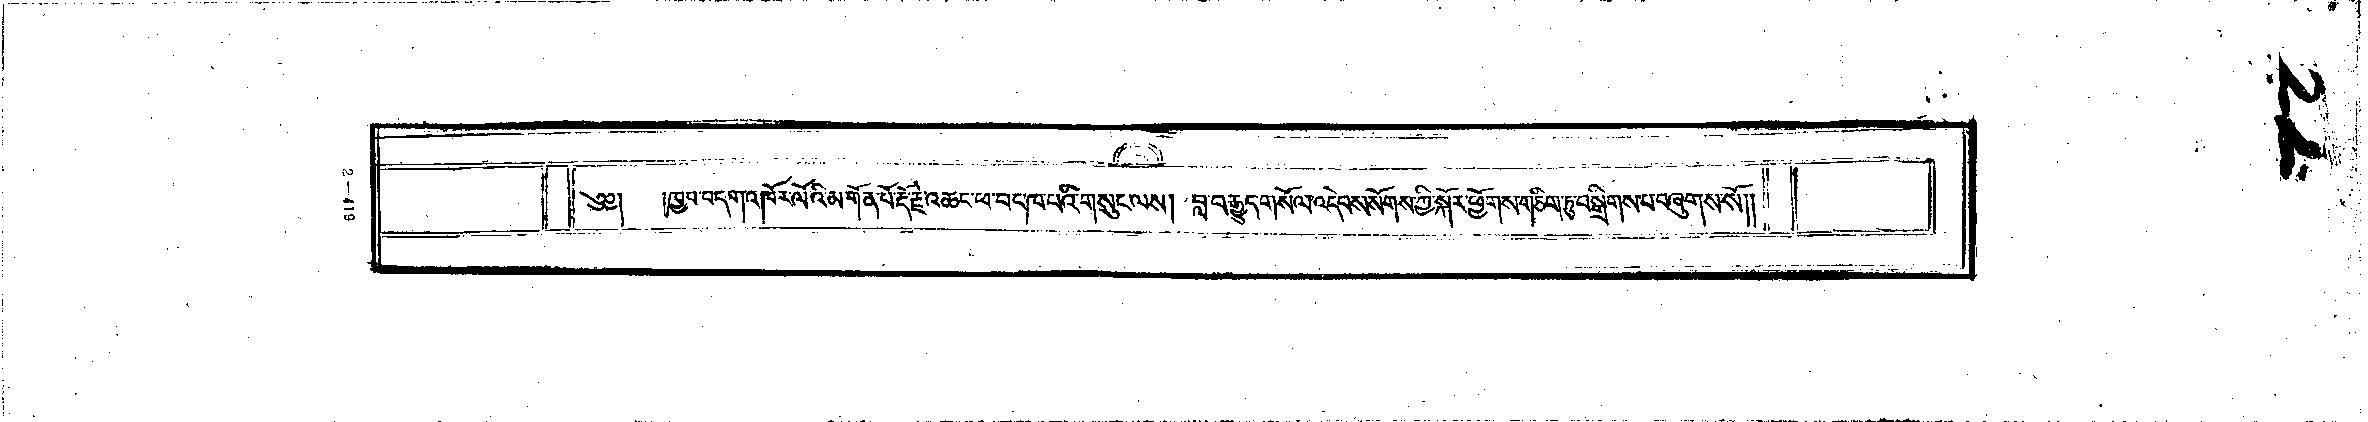༄༅། །ཁྱབ་བདག་འཁོར་ལོའི་མགོན་པོ་རྡོ་རྗེ་འཆང་ཕ་བོང་ཁ་པའི་གསུང་ལས། བླ་བརྒྱུད་གསོལ་འདེབས་སོགས་ཀྱི་སྐོར་ཕྱོགས་གཅིག་ཏུ་བསྒྲིགས་པ་བཞུགས་སོ།།